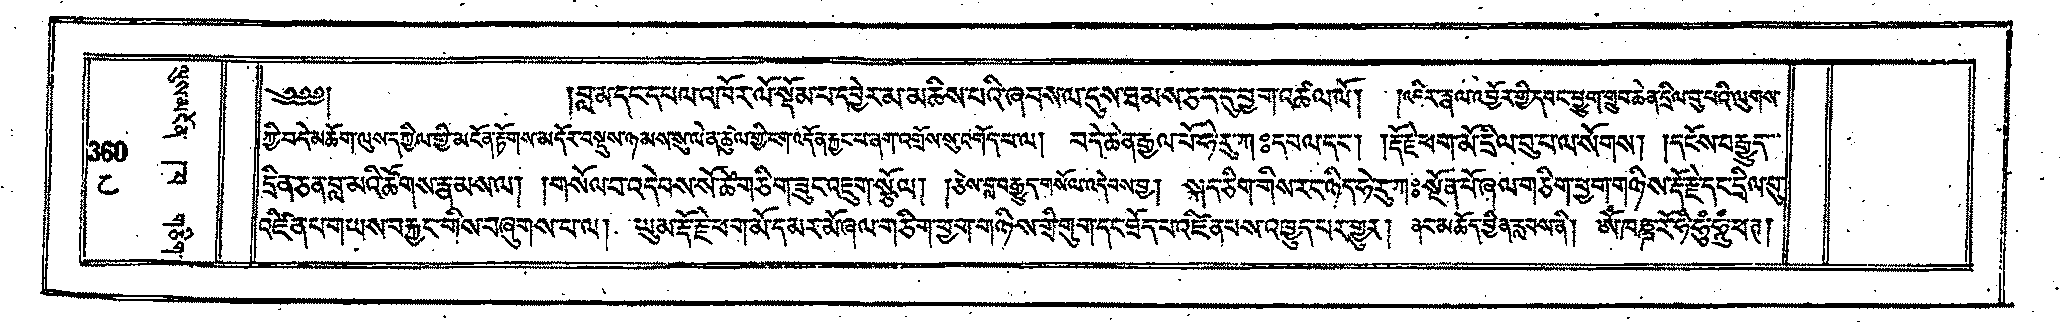༄༅༅། །བླ་མ་དང་དཔལ་འཁོར་ལོ་སྡོམ་པ་དབྱེར་མ་མཆིས་པའི་ཞབས་ལ་དུས་ཐམས་ཅད་དུ་ཕྱག་འཚལ་ལོ། །འདིར་རྣལ་འབྱོར་གྱི་དབང་ཕྱུག་གྲུབ་ཆེན་དྲིལ་བུ་པའི་ལུགས་
ཀྱི་བདེ་མཆོག་ལུས་དཀྱིལ་གྱི་མངོན་རྟོགས་མདོར་བསྡུས་ཉམས་སུ་ལེན་ཚུལ་གྱི་ངག་འདོན་རྐྱང་པ་ནག་འགྲོས་སུ་འགོད་པ་ལ། བདེ་ཆེན་རྒྱལ་པོ་ཧེ་རུ་ཀཿདཔལ་དང་། །རྡོ་རྗེ་ཕག་མོ་དྲིལ་བུ་པ་ལ་སོགས། །དངོས་བརྒྱུད་་་
དྲིན་ཅན་བླ་མའི་ཚོགས་རྣམས་ལ། །གསོལ་བ་འདེབས་སོ་ཚེ་གཅིག་ཟུང་འཇུག་སྩོལ། །ཅེས་བླ་བརྒྱུད་གསོལ་འདེབས་བྱ།  སྐད་ཅིག་གིས་རང་ཉིད་ཧེ་རུ་ཀཿསྔོན་པོ་ཞལ་གཅིག་ཕྱག་གཉིས་རྡོ་རྗེ་དང་དྲིལ་བུ་
འཛིན་པ་གཡས་བརྐྱང་གིས་བཞུགས་པ་ལ། ཡུམ་རྡོ་རྗེ་ཕག་མོ་དམར་མོ་ཞལ་གཅིག་ཕྱག་གཉིས་གྲི་གུག་དང་ཐོད་པ་འཛིན་པས་འཁྱུད་པར་གྱུར། ནང་མཆོད་བྱིན་རླབས་ནི།  ཨོཾ་ཁཎྜ་རོ་ཧི་ཧུཾ་ཧཱུཾ་ཕཊ།